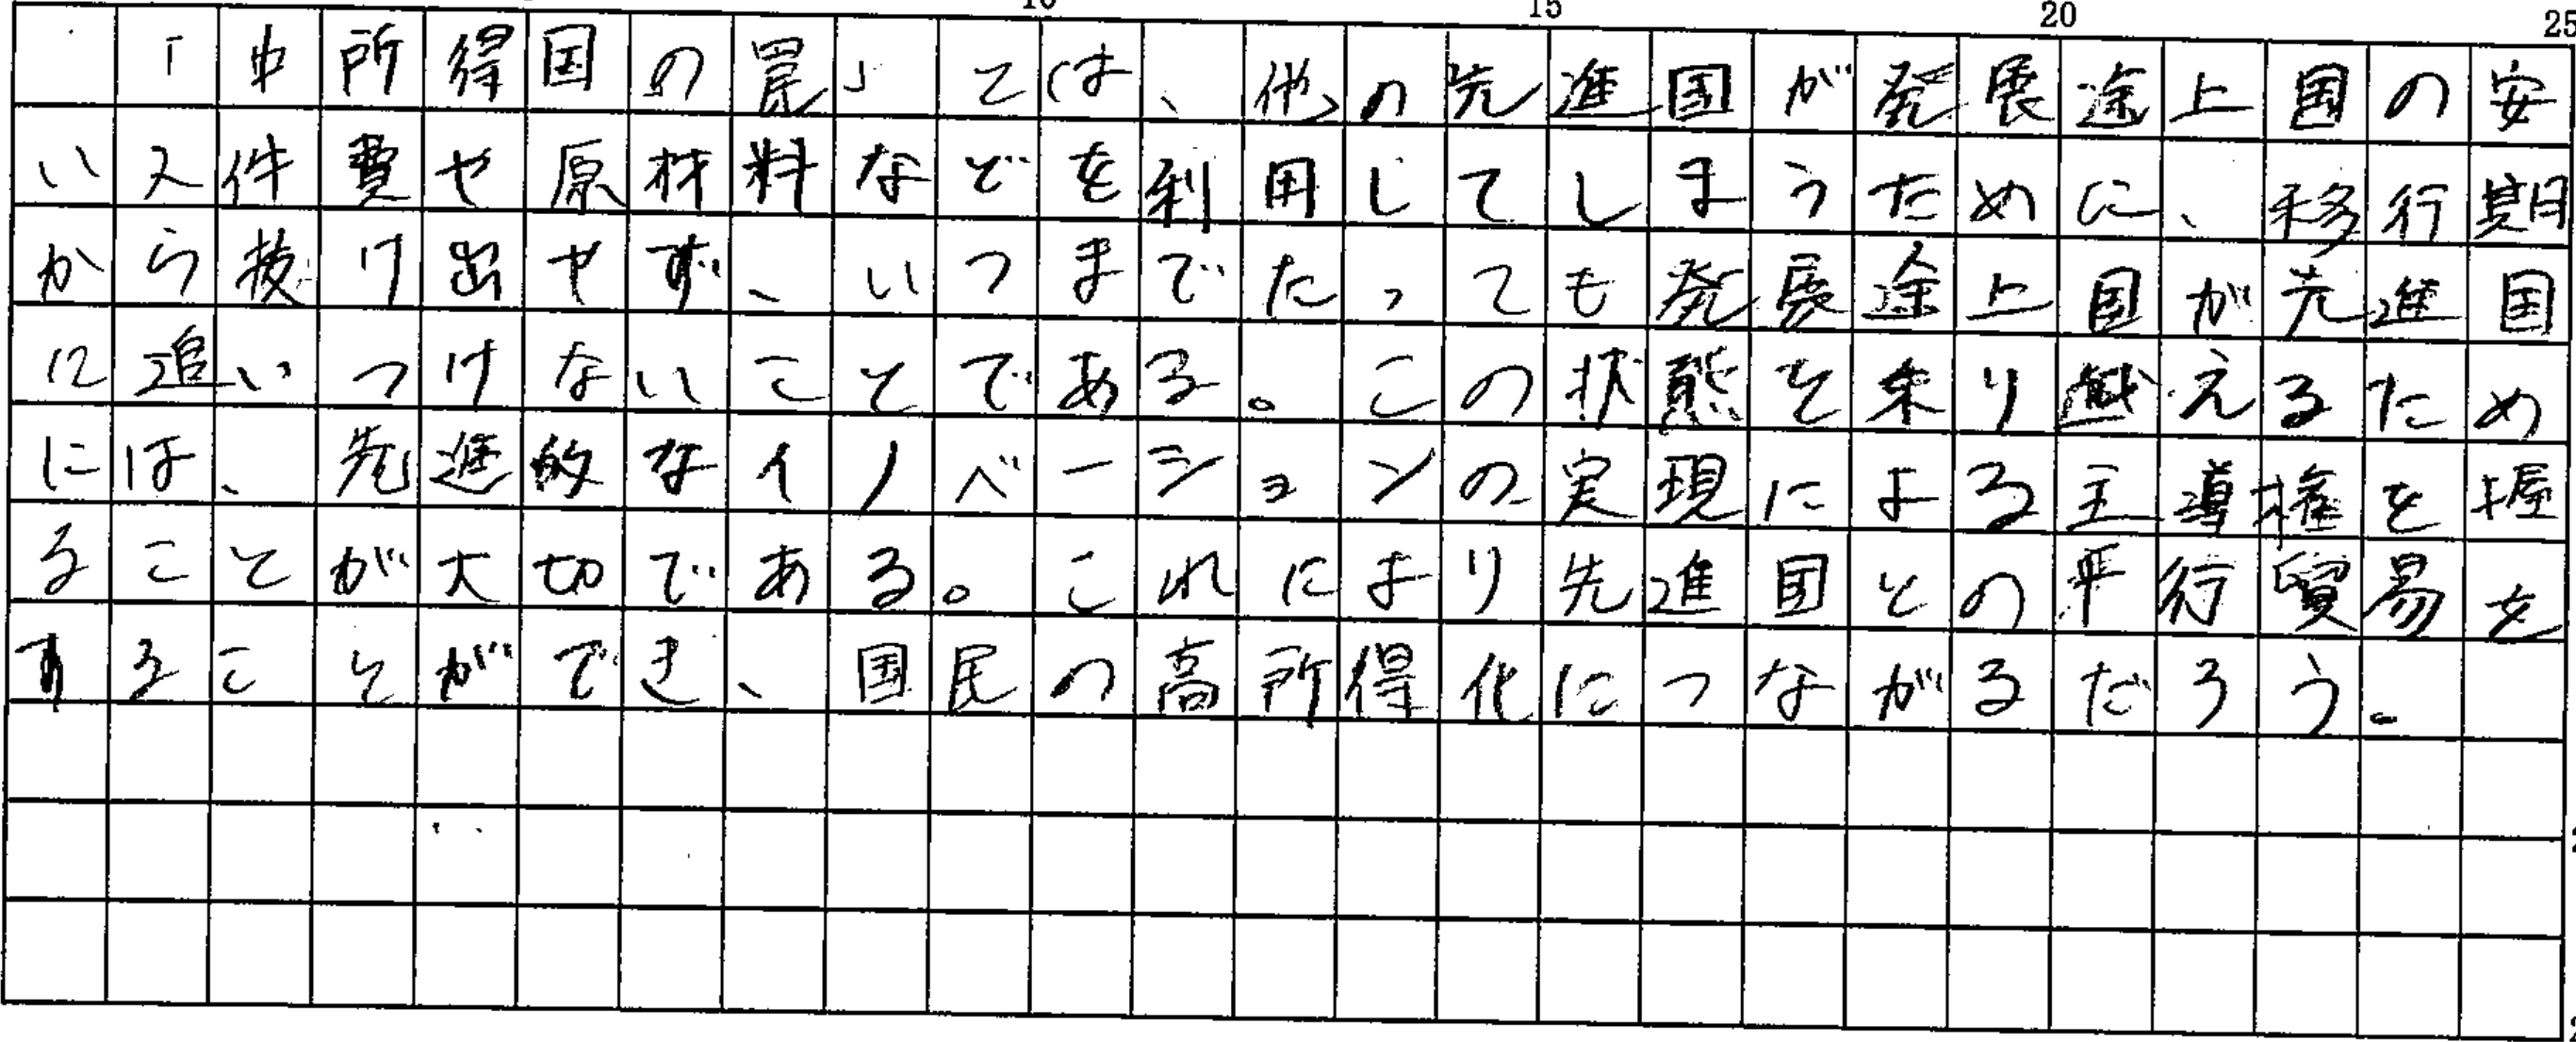　「中所得国の罠」とは、他の先進国が発展途上国の安い人件費や原材料などを利用してしまうために、移行期から抜け出せず、いつまでたっても発展途上国が先進国に追いつけないことである。この状態を乗り越えるためには、先進的なイノベーションの実現による主導権を握ることが大切である。これにより先進国との平行貿易をすることができ、国民の高所得化につながるだろう。
